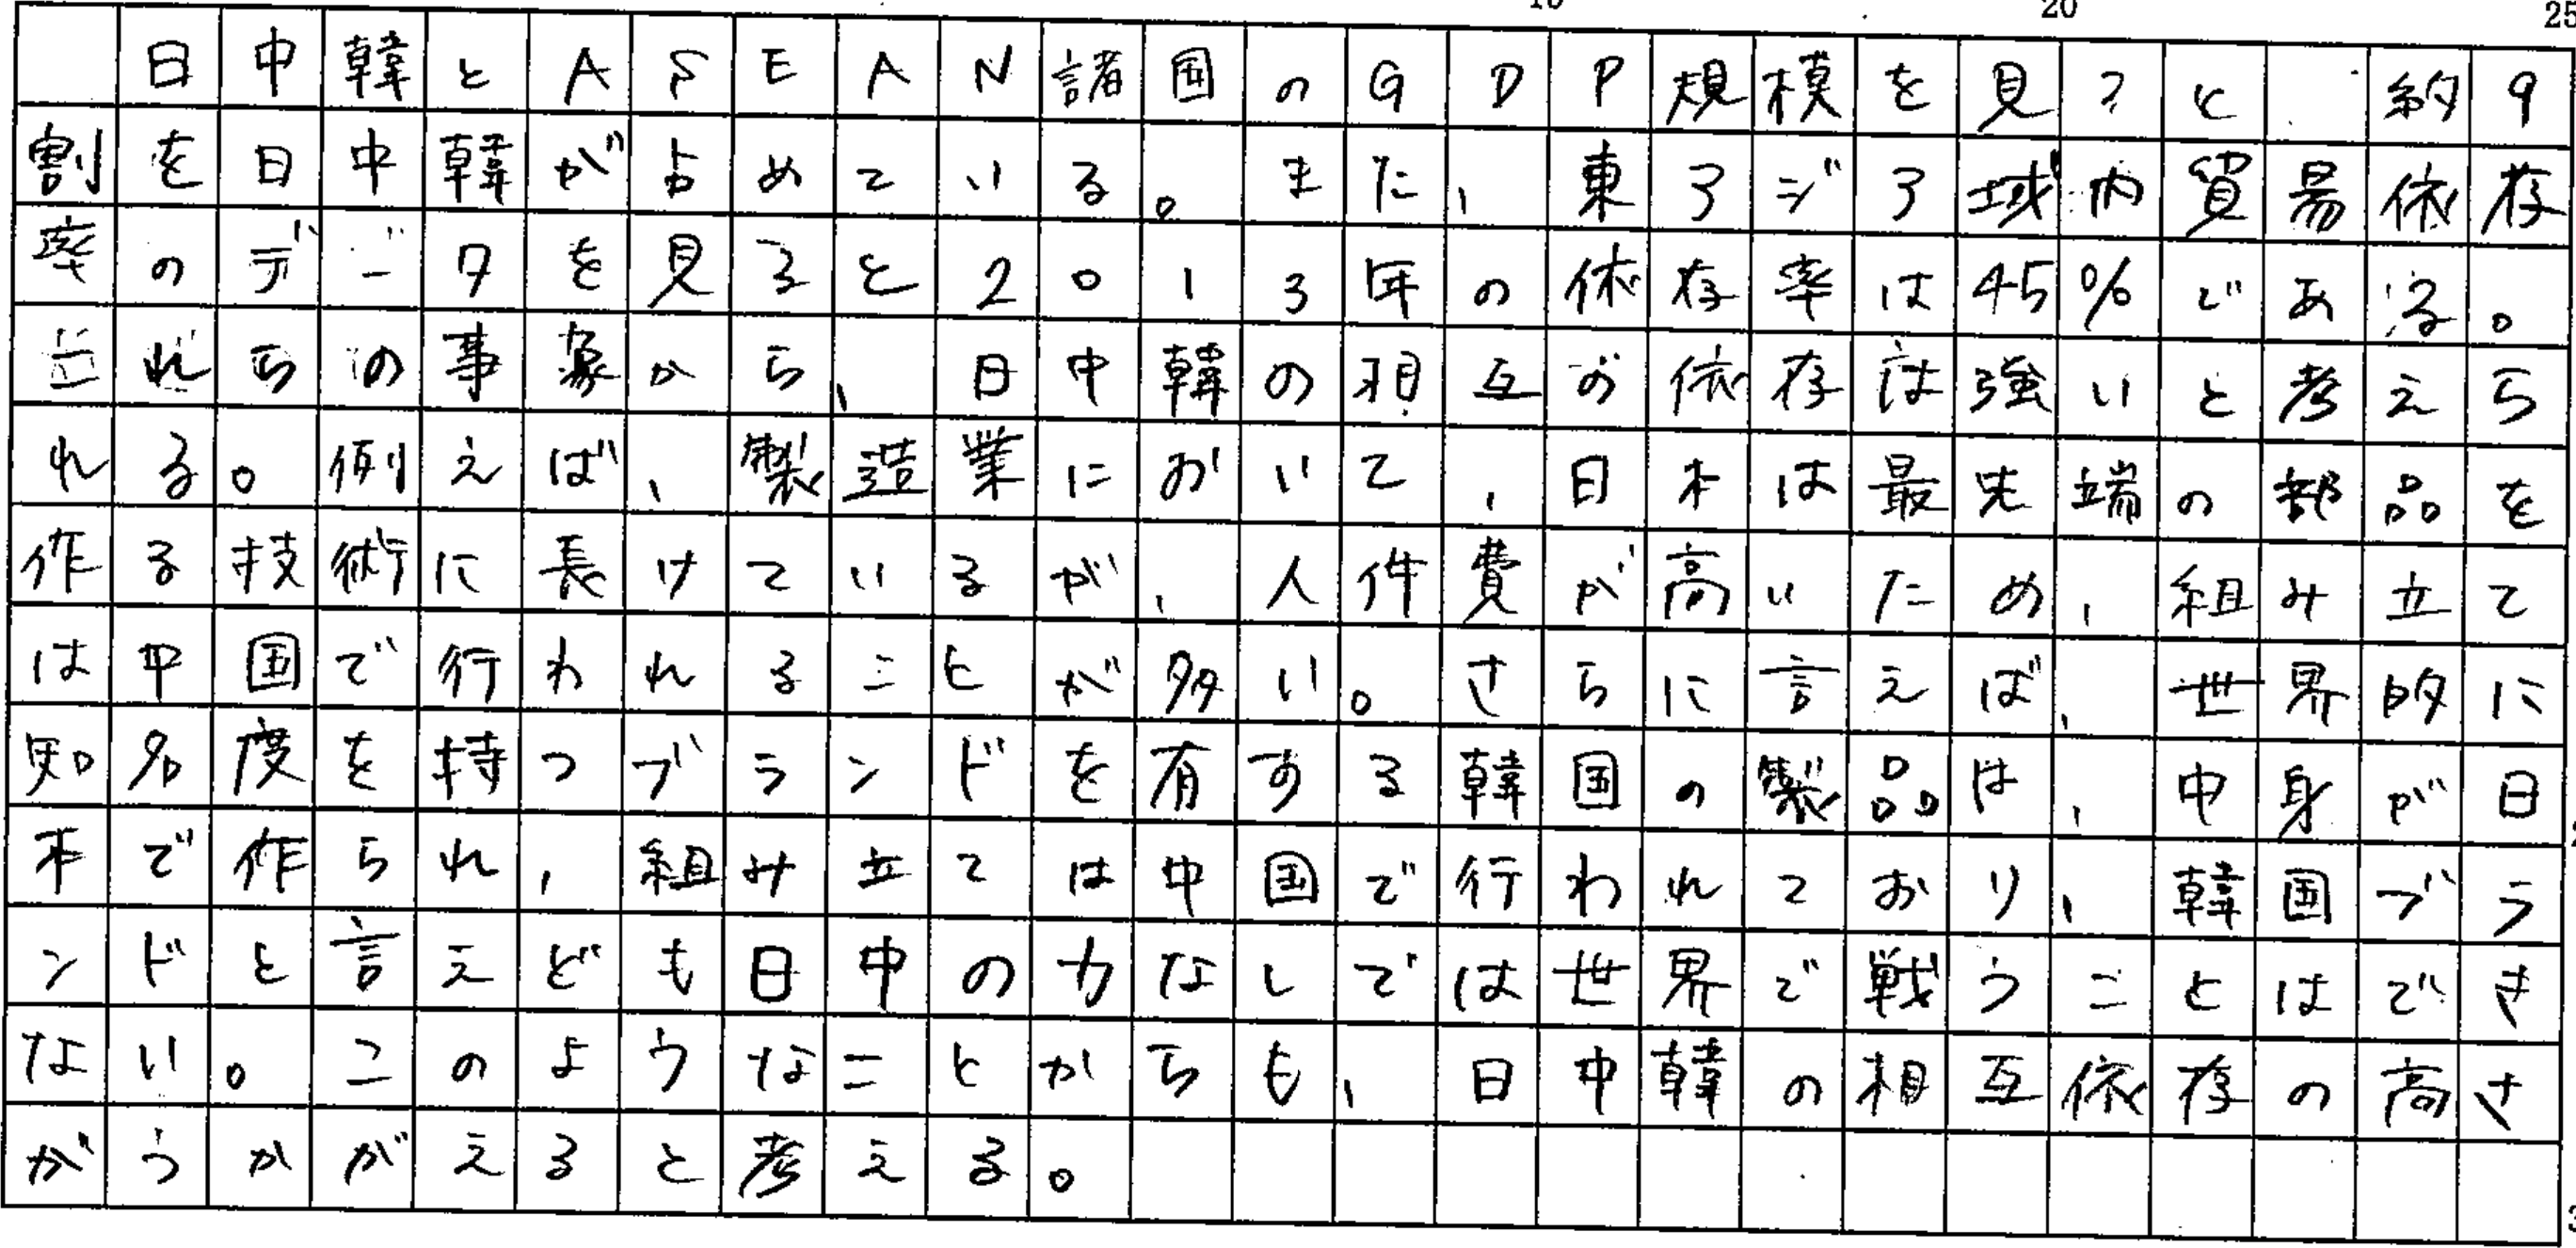　日中韓とＡＳＥＡＮ諸国のＧＤＰ規模を見ると　約９割を日中韓が占めている。また、東アジア域内貿易依存率のデータを見ると２０１３年の依存率は４５％である。これらの事象から、日中韓の相互の依存は強いと考えられる。例えば、製造業において、日本は最先端の部品を作る技術に長けているが、人件費が高いため、組み立ては中国で行われることが多い。さらに言えば、世界的に知名度を持つブランドを有する韓国の製品は、中身が日本で作られ、組み立ては中国で行われており、韓国ブランドと言えども日中の力なしでは世界で戦うことはできない。このようなことからも、日中韓の相互依存の高さがうかがえると考える。
